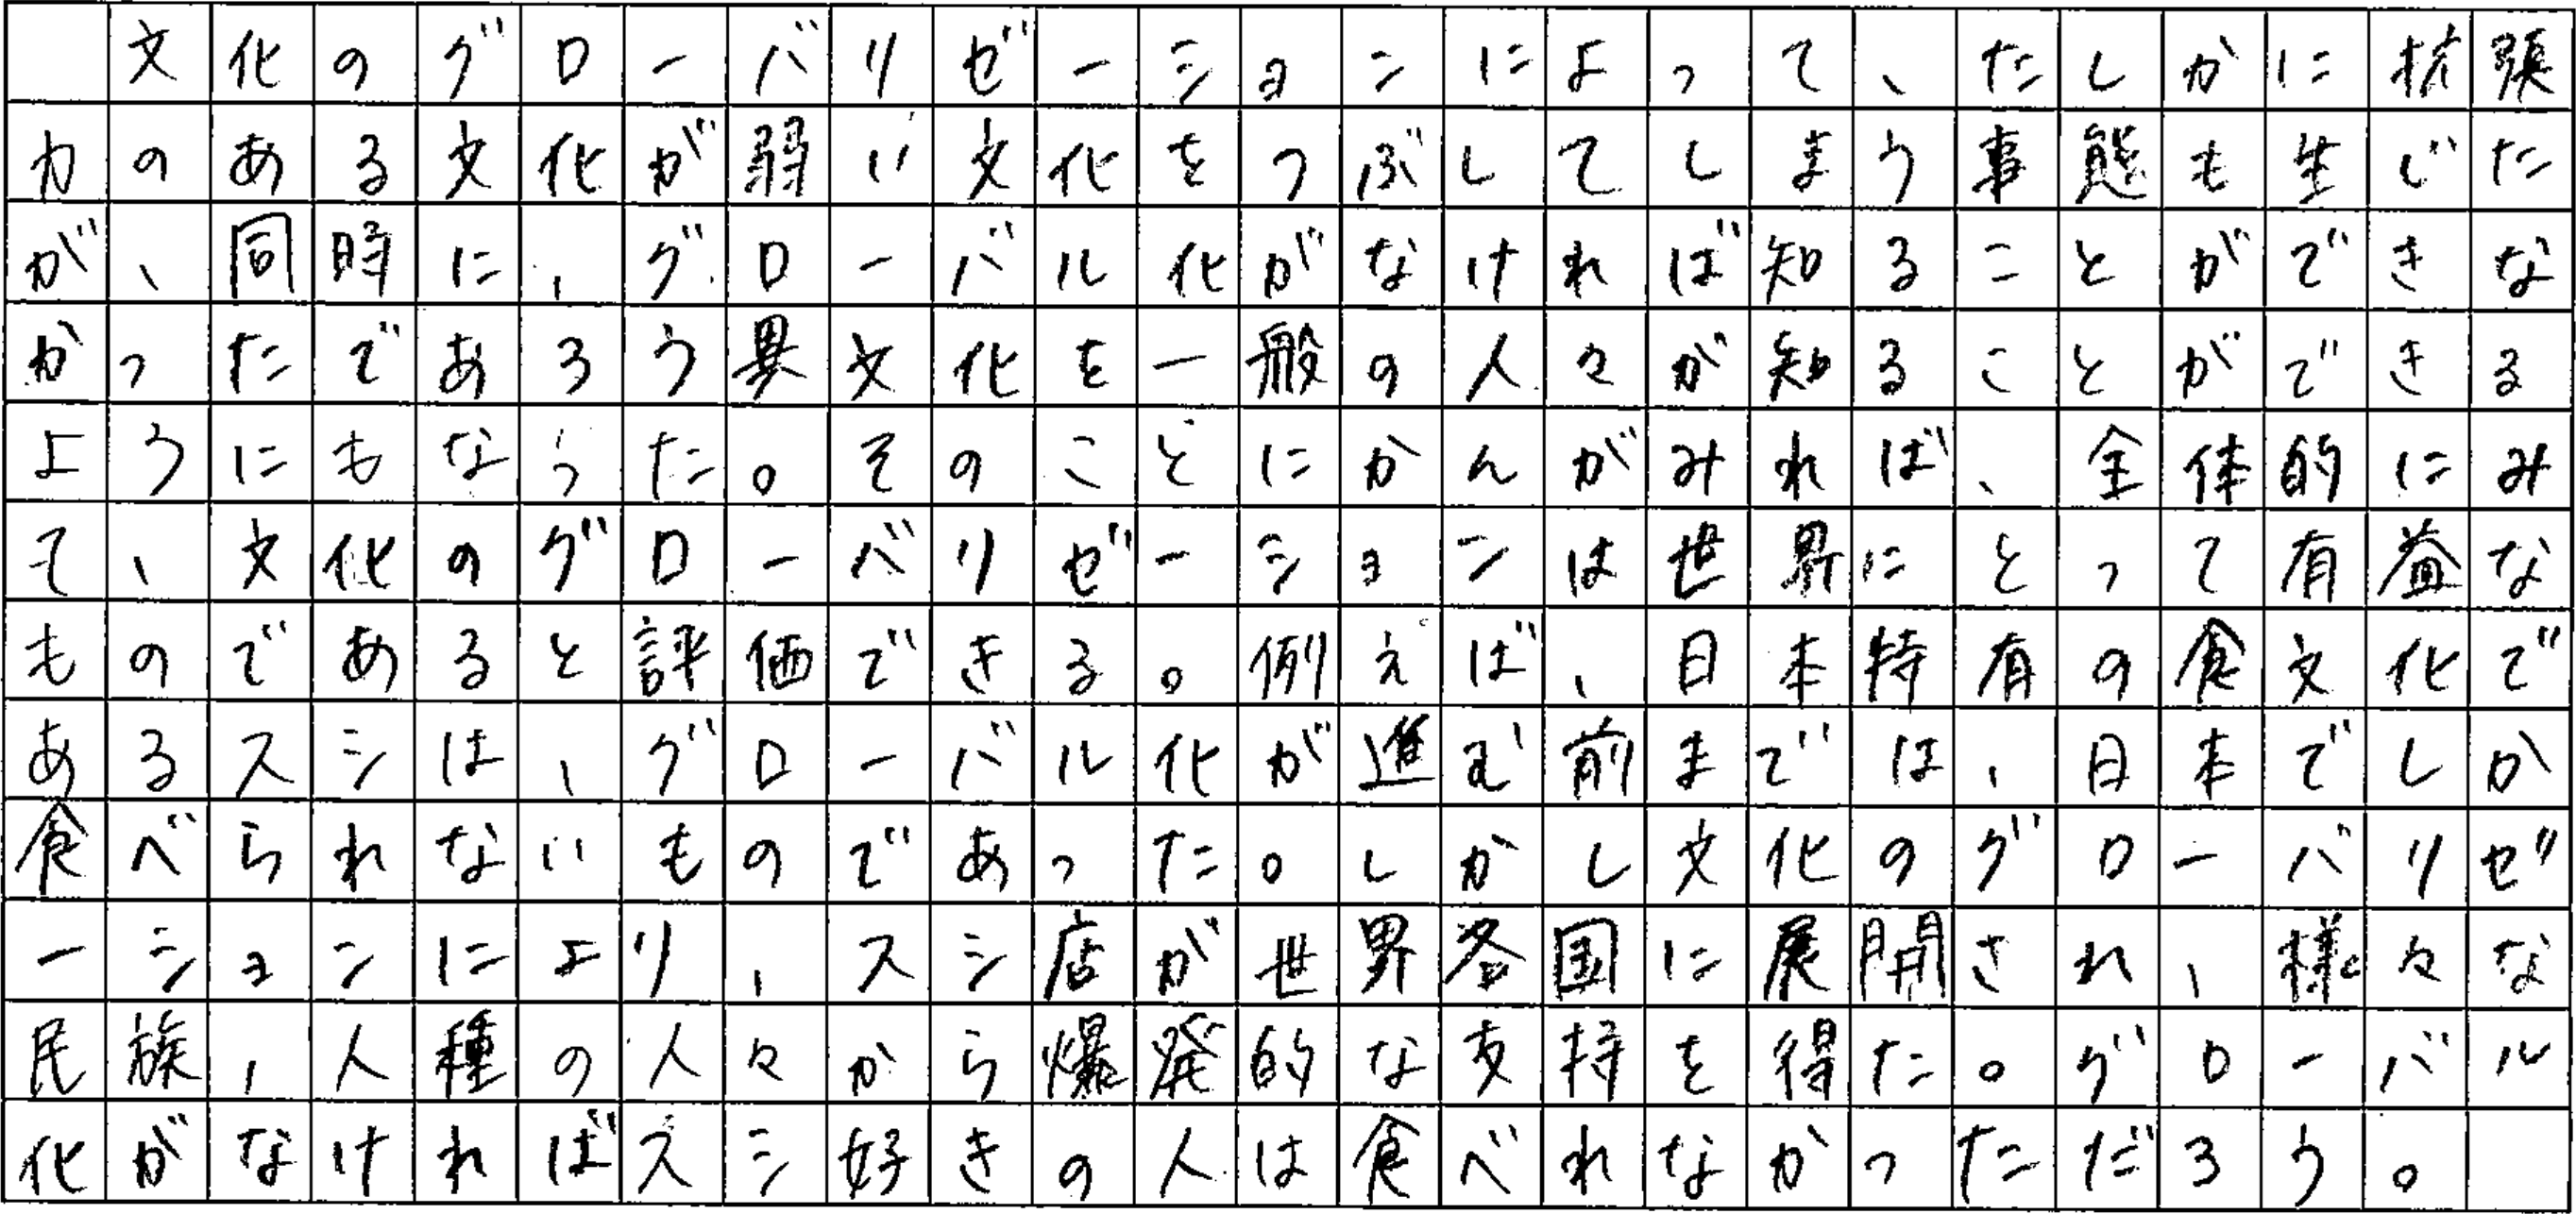　文化のグローバリゼーションによって、たしかに拡張力のある文化が弱い文化をつぶしてしまう事態も生じたが、同時に、グローバル化がなければ知ることができなかったであろう異文化を一般の人々が知ることができるようにもなった。そのことにかんがみれば、全体的にみて、文化のグローバリゼーションは世界にとって有益なものであると評価できる。例えば、日本特有の食文化であるスシは、グローバル化が進む前までは、日本でしか食べられないものであった。しかし文化のグローバリゼーションにより、スシ店が世界各国に展開され、様々な民族、人種の人々から爆発的な支持を得た。グローバル化がなければスシ好きの人は食べれなかっただろう。
